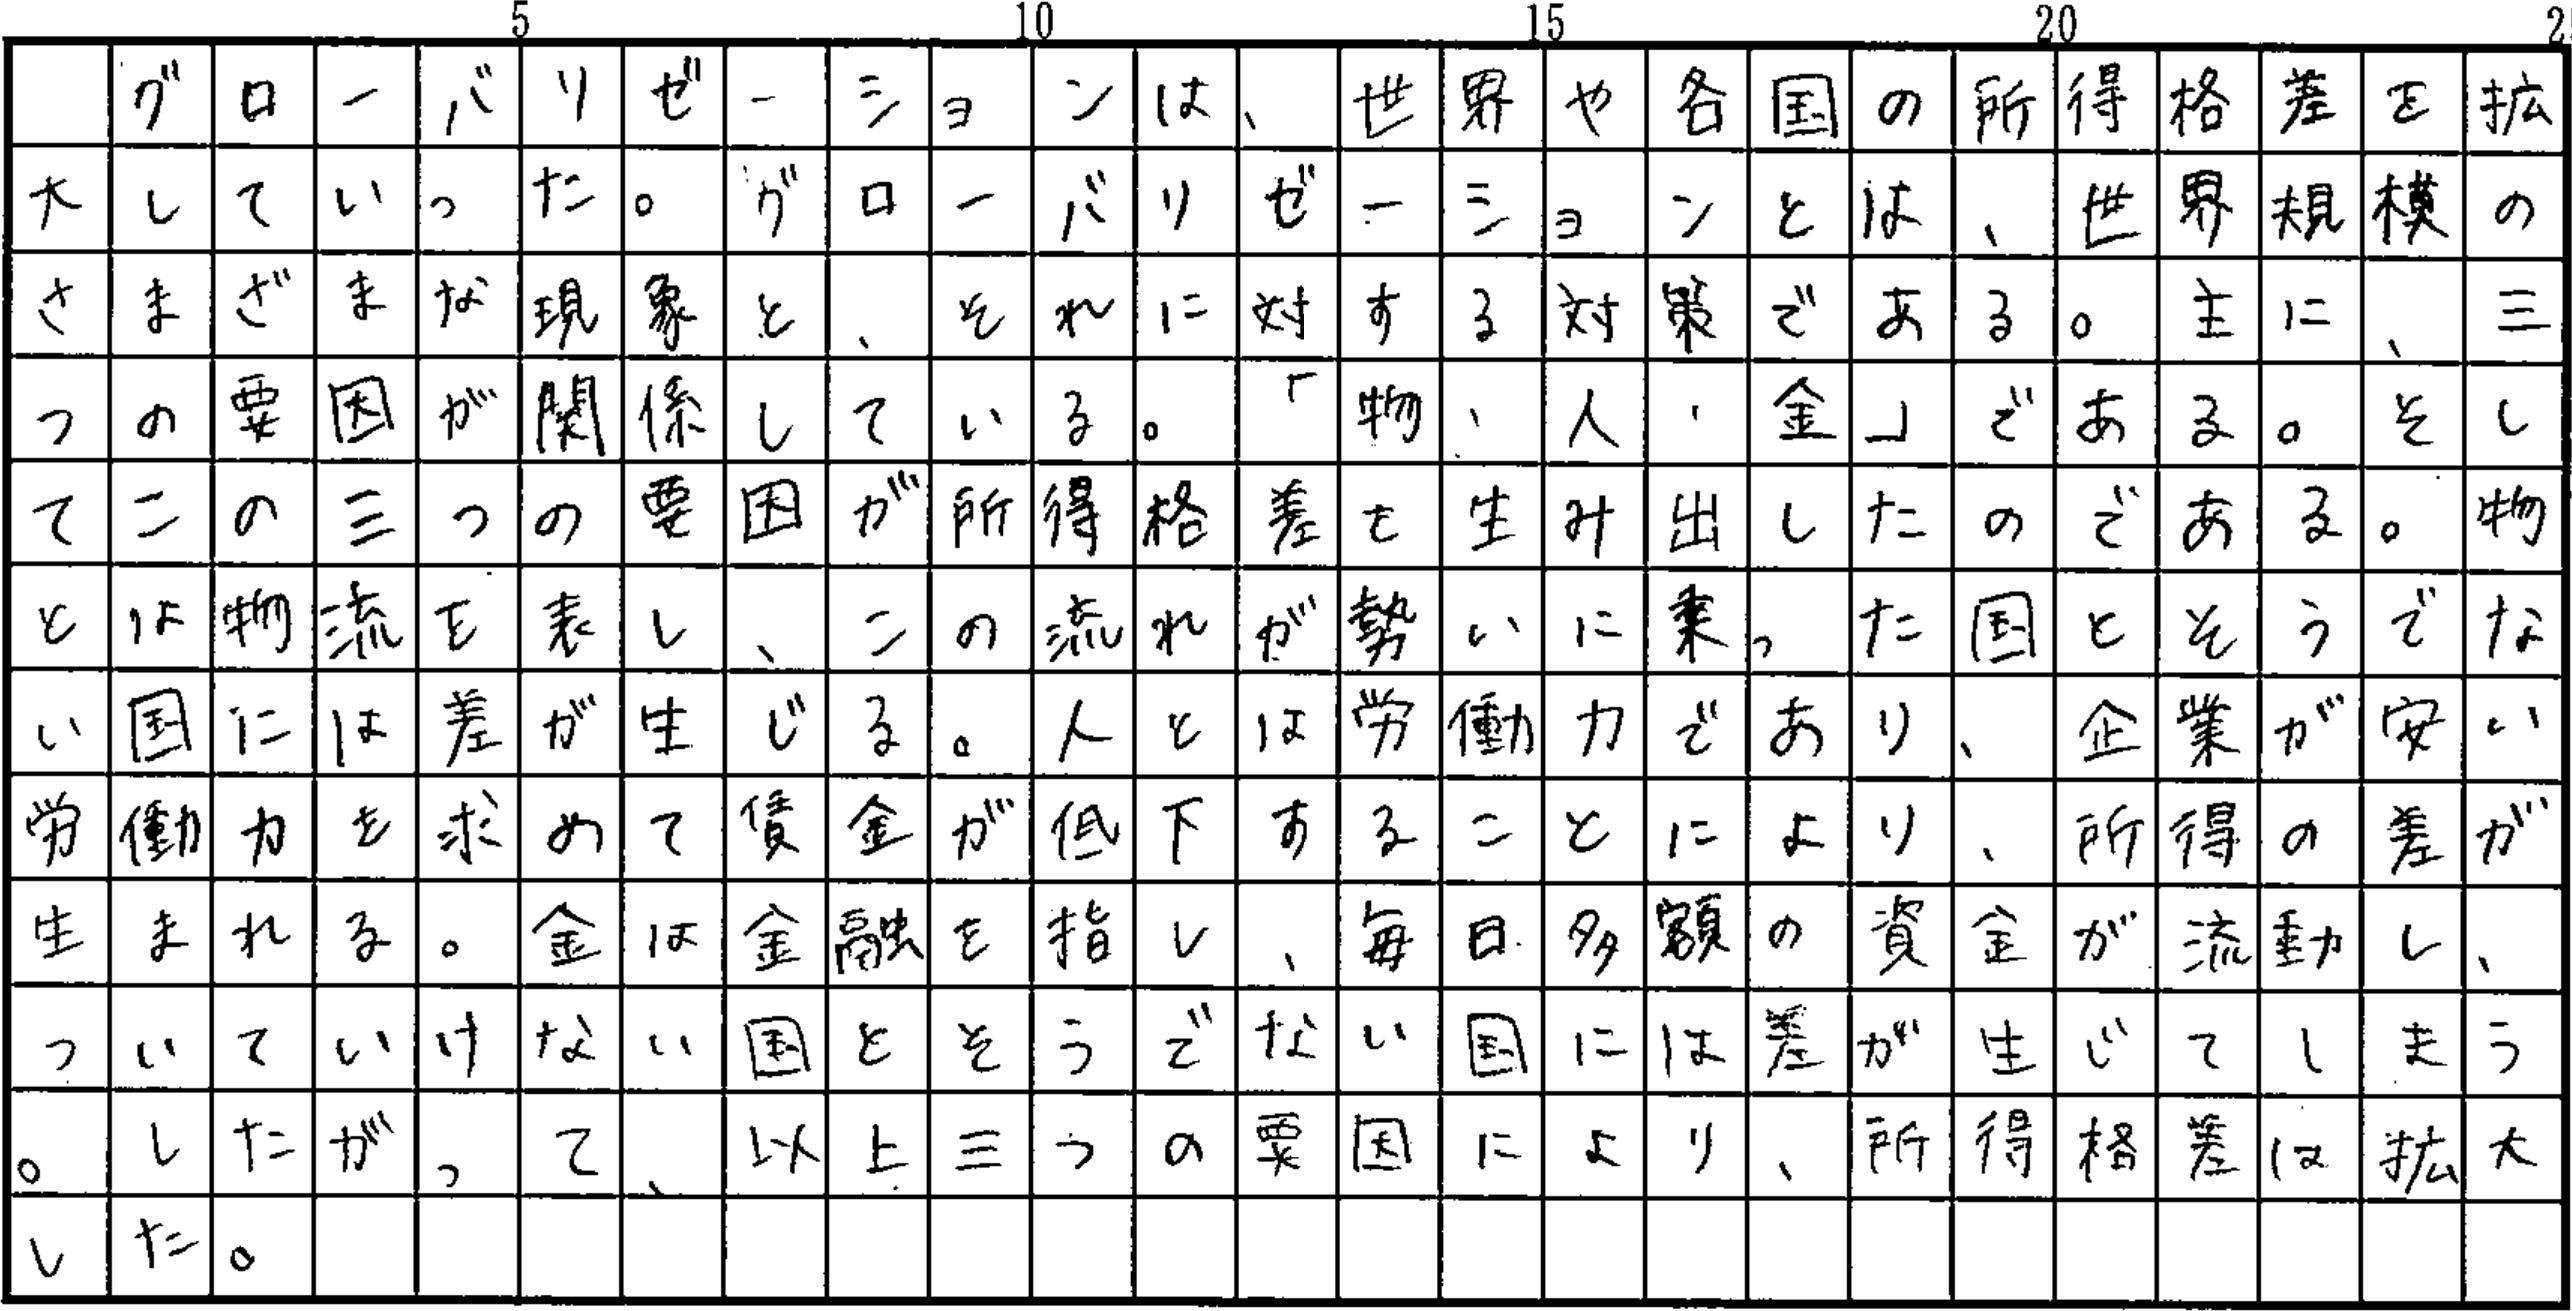　グローバリゼーションは、世界や各国の所得格差を拡大していった。グローバリゼーションとは、世界規模のさまざまな現象と、それに対する対策である。主に、三つの要因が関係している。「物・人・金」である。そしてこの三つの要因が所得格差を生み出したのである。物とは物流を表し、この流れが勢いに乗った国とそうでない国には差が生じる。人とは労働力であり、企業が安い労働力を求めて賃金が低下することにより、所得の差が生まれる。金は金融を指し、毎日多額の資金が流動し、ついていけない国とそうでない国には差が生じてしまう。したがって、以上三つの要因により、所得格差は拡大した。
